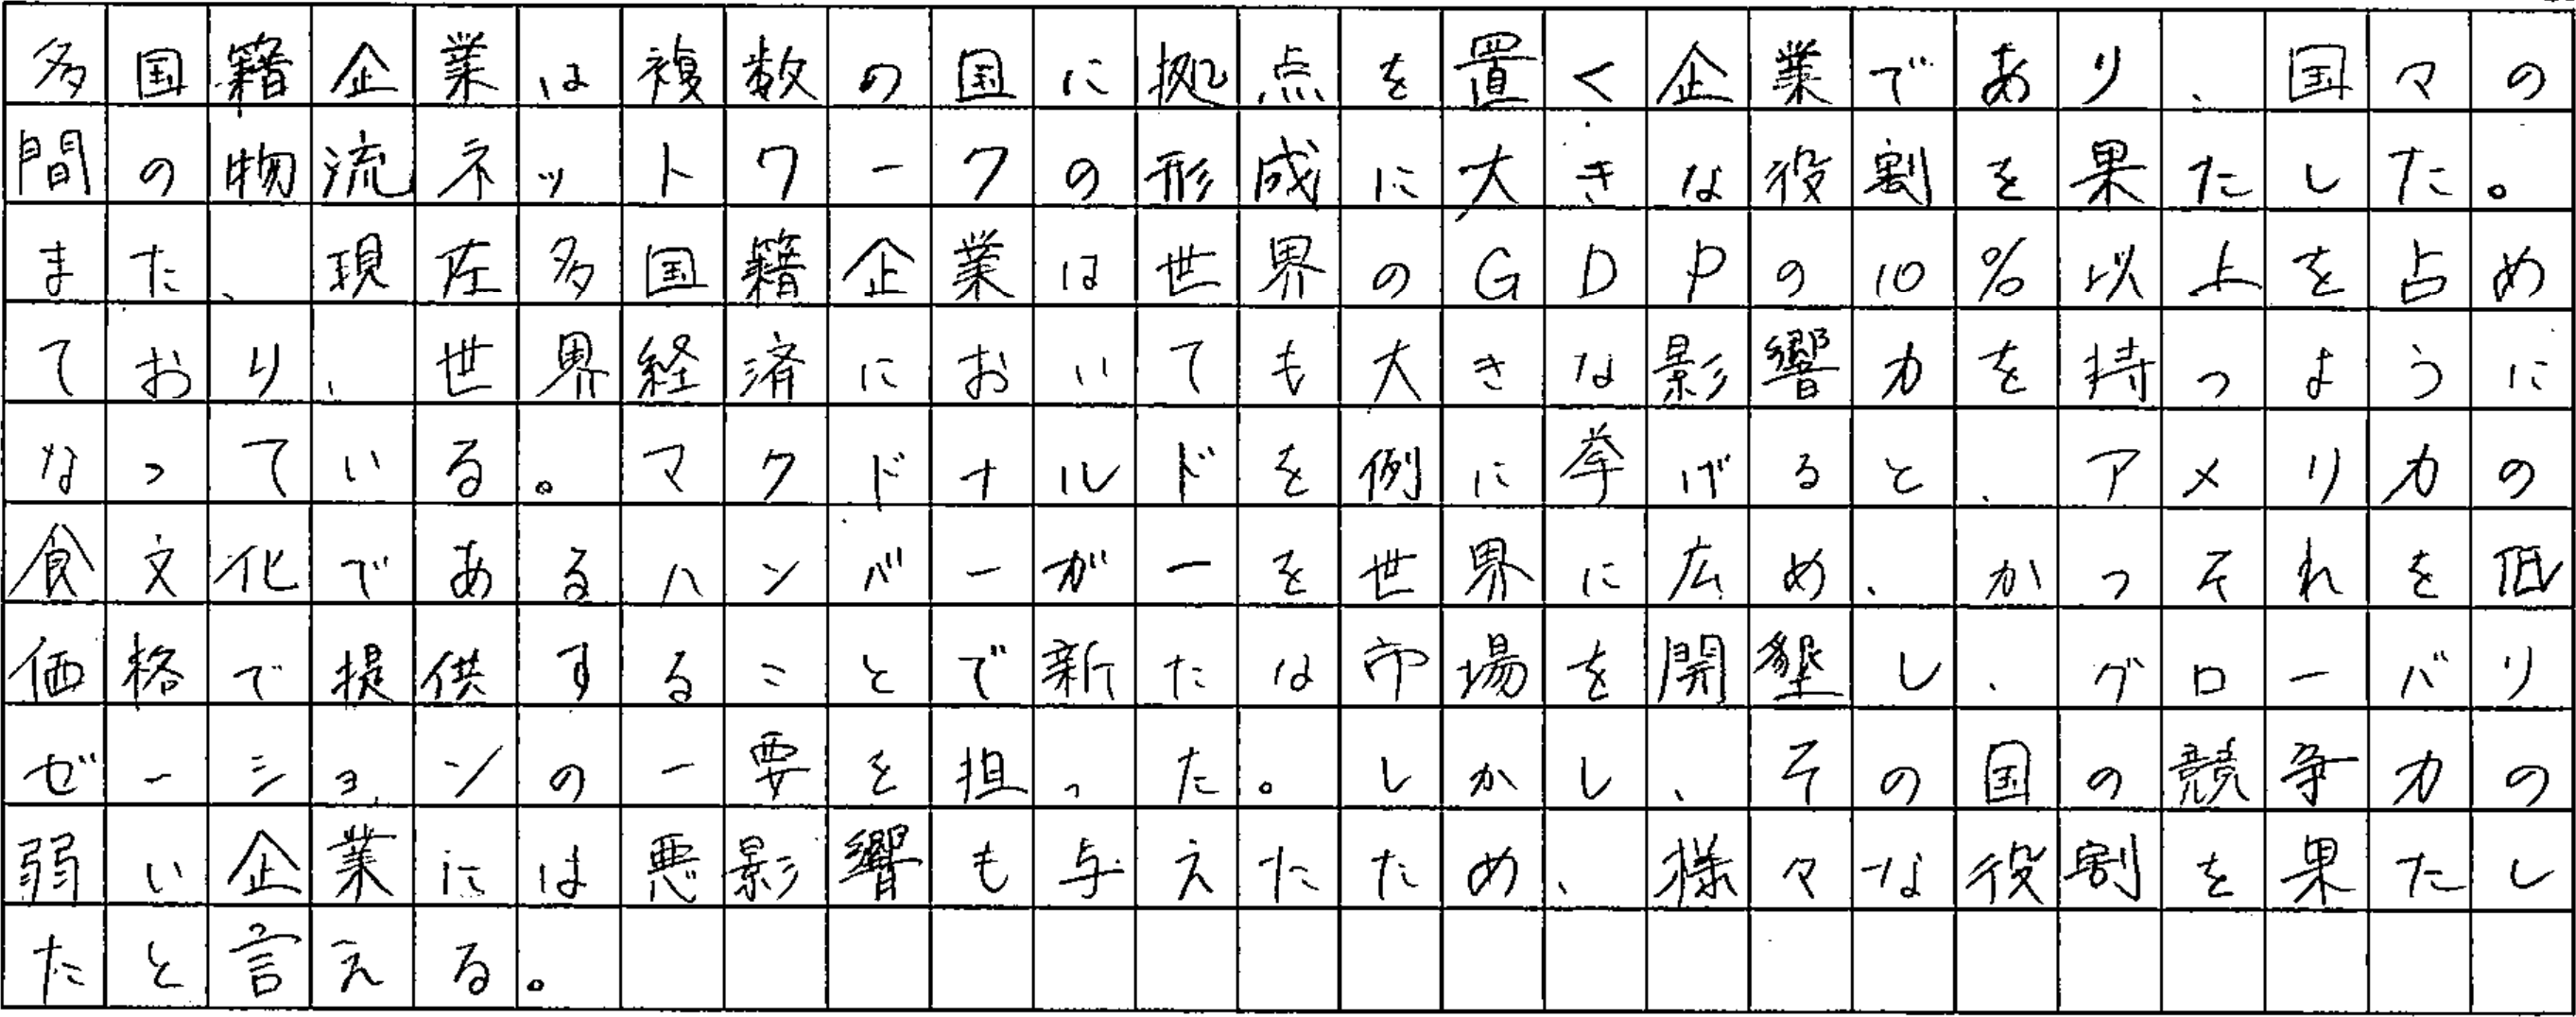多国籍企業は複数の国に拠点を置く企業であり、国々の間の物流ネットワークの形成に大きな役割を果たした。また、現在多国籍企業は世界のＧＤＰの10％以上を占めており、世界経済においても大きな影響力を持つようになっている。マクドナルドを例に挙げると、アメリカの食文化であるハンバーガーを世界に広め、かつそれを低価格で提供することで新たな市場を開墾し、グローバリゼーションの一要を担った。しかし、その国の競争力の弱い企業には悪影響も与えたため、様々な役割を果たしたと言える。
